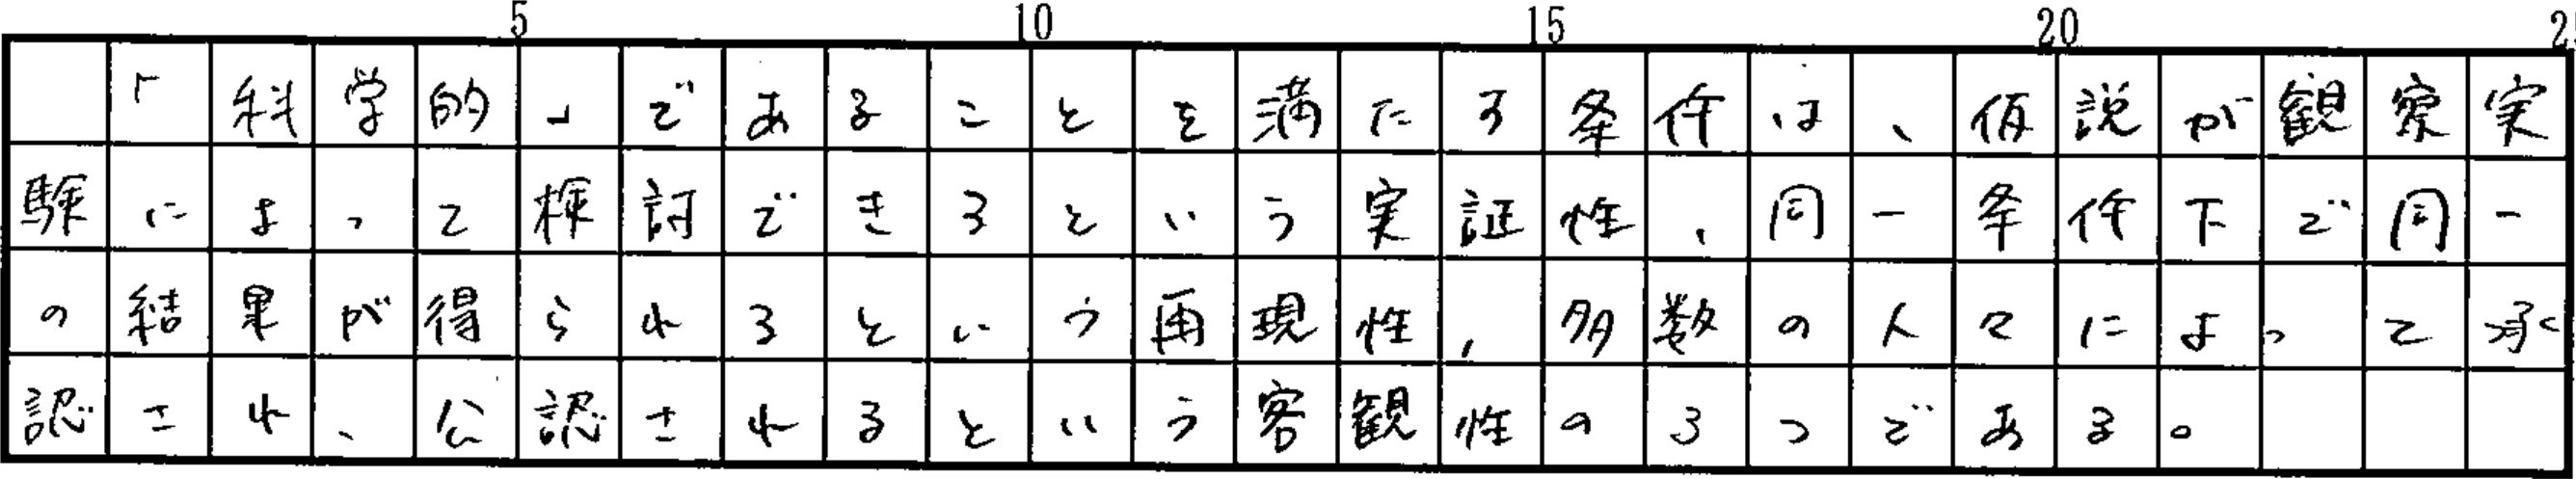　「科学的」であることを満たす条件は、仮説が観察実験によって検討できるという実証性、同一条▁下で同一の結果が得られるという再現性、多数の人々によって承認され、公認されるという客観性の３つである。
